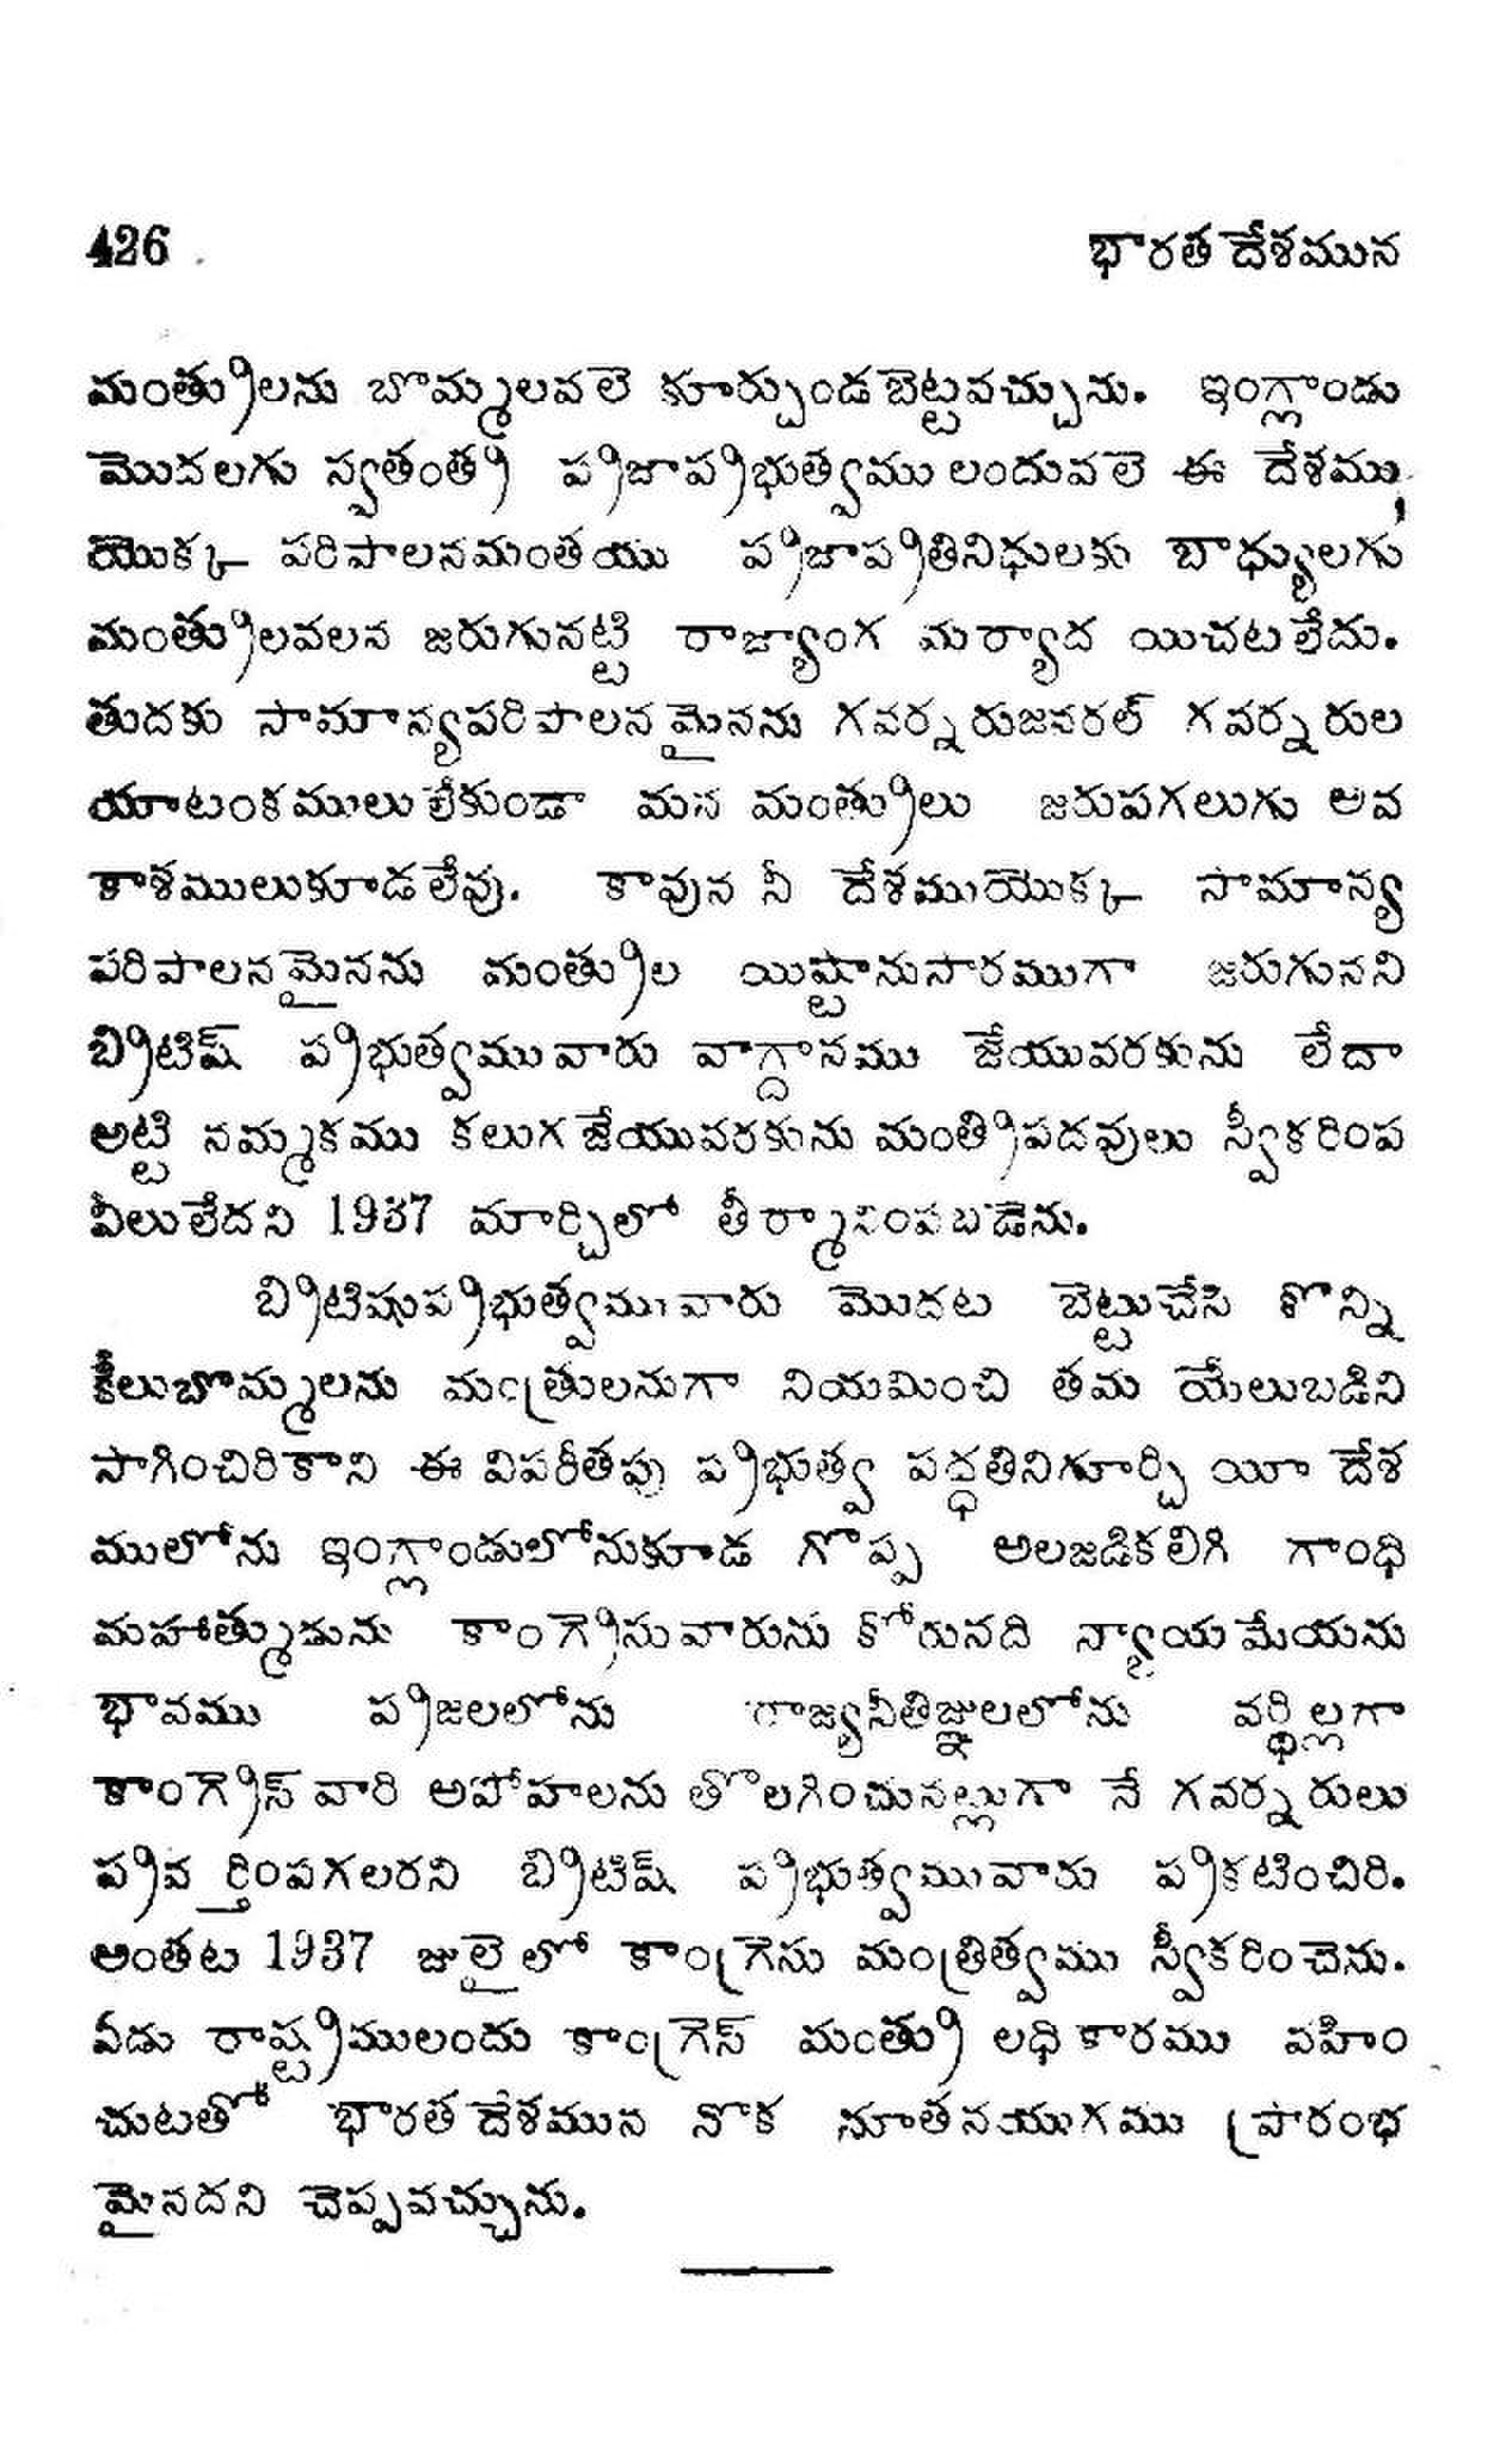మంత్రులను బొమ్మలవలె కూర్చుండబెట్టవచ్చును. ఇంగ్లాండు మొదలగు స్వతంత్ర ప్రజాప్రభుత్వములందువలె ఈ దేశముయొక్క పరిపాలనమంతయు ప్రజాప్రతినిధులకు బాధ్యులగు మంత్రులవలన జరుగునట్టి రాజ్యాంగ మర్యాద యిచటలేదు. తుదకు సామాన్యపరిపాలనమైనను గవర్నరుజనరల్ గవర్నరుల యాటంకములులేకుండా మన మంత్రులు జరుపగలుగు అవకాశములుకూడలేవు. కావున నీ దేశముయొక్క సామాన్య పరిపాలనమైనను మంత్రుల యిష్టానుసారముగా జరుగునని బ్రిటిష్ ప్రభుత్వమువారు వాగ్దానము జేయువరకును లేదా అట్టి నమ్మకము కలుగ జేయువరకును మంత్రిపదవులు స్వీకరింప వీలులేదని 1937 మార్చిలో తీర్మానింపబడెను.

బ్రిటిషుప్రభుత్వమువారు మొదట బెట్టుచేసి కొన్ని కీలుబొమ్మలను మంత్రులనుగా నియమించి తమ యేలుబడిని సాగించిరికాని ఈ విపరీతపు ప్రభుత్వ పద్ధతినిగూర్చి యీ దేశములోను ఇంగ్లాండులోనుకూడ గొప్ప అలజడికలిగి గాంధిమహాత్ముడును కాంగ్రెసువారుసు కోరునది న్యాయమేయను భావము ప్రజలలోను రాజ్యనీతిజ్ఞులలోను వర్ధిల్లగా కాంగ్రెస్‌వారి అపోహలను తొలగించునట్లుగానే గవర్నరులు ప్రవర్తింపగలరని బ్రిటిష్ ప్రభుత్వమువారు ప్రకటించిరి. అంతట 1937 జులైలో కాంగ్రెసు మంత్రిత్వము స్వీకరించెను. ఏడు రాష్ట్రములందు కాంగ్రెస్ మంత్రు లధికారము వహించుటతో భారతదేశమున నొక నూతనయుగము ప్రారంభమైనదని చెప్పవచ్చును.